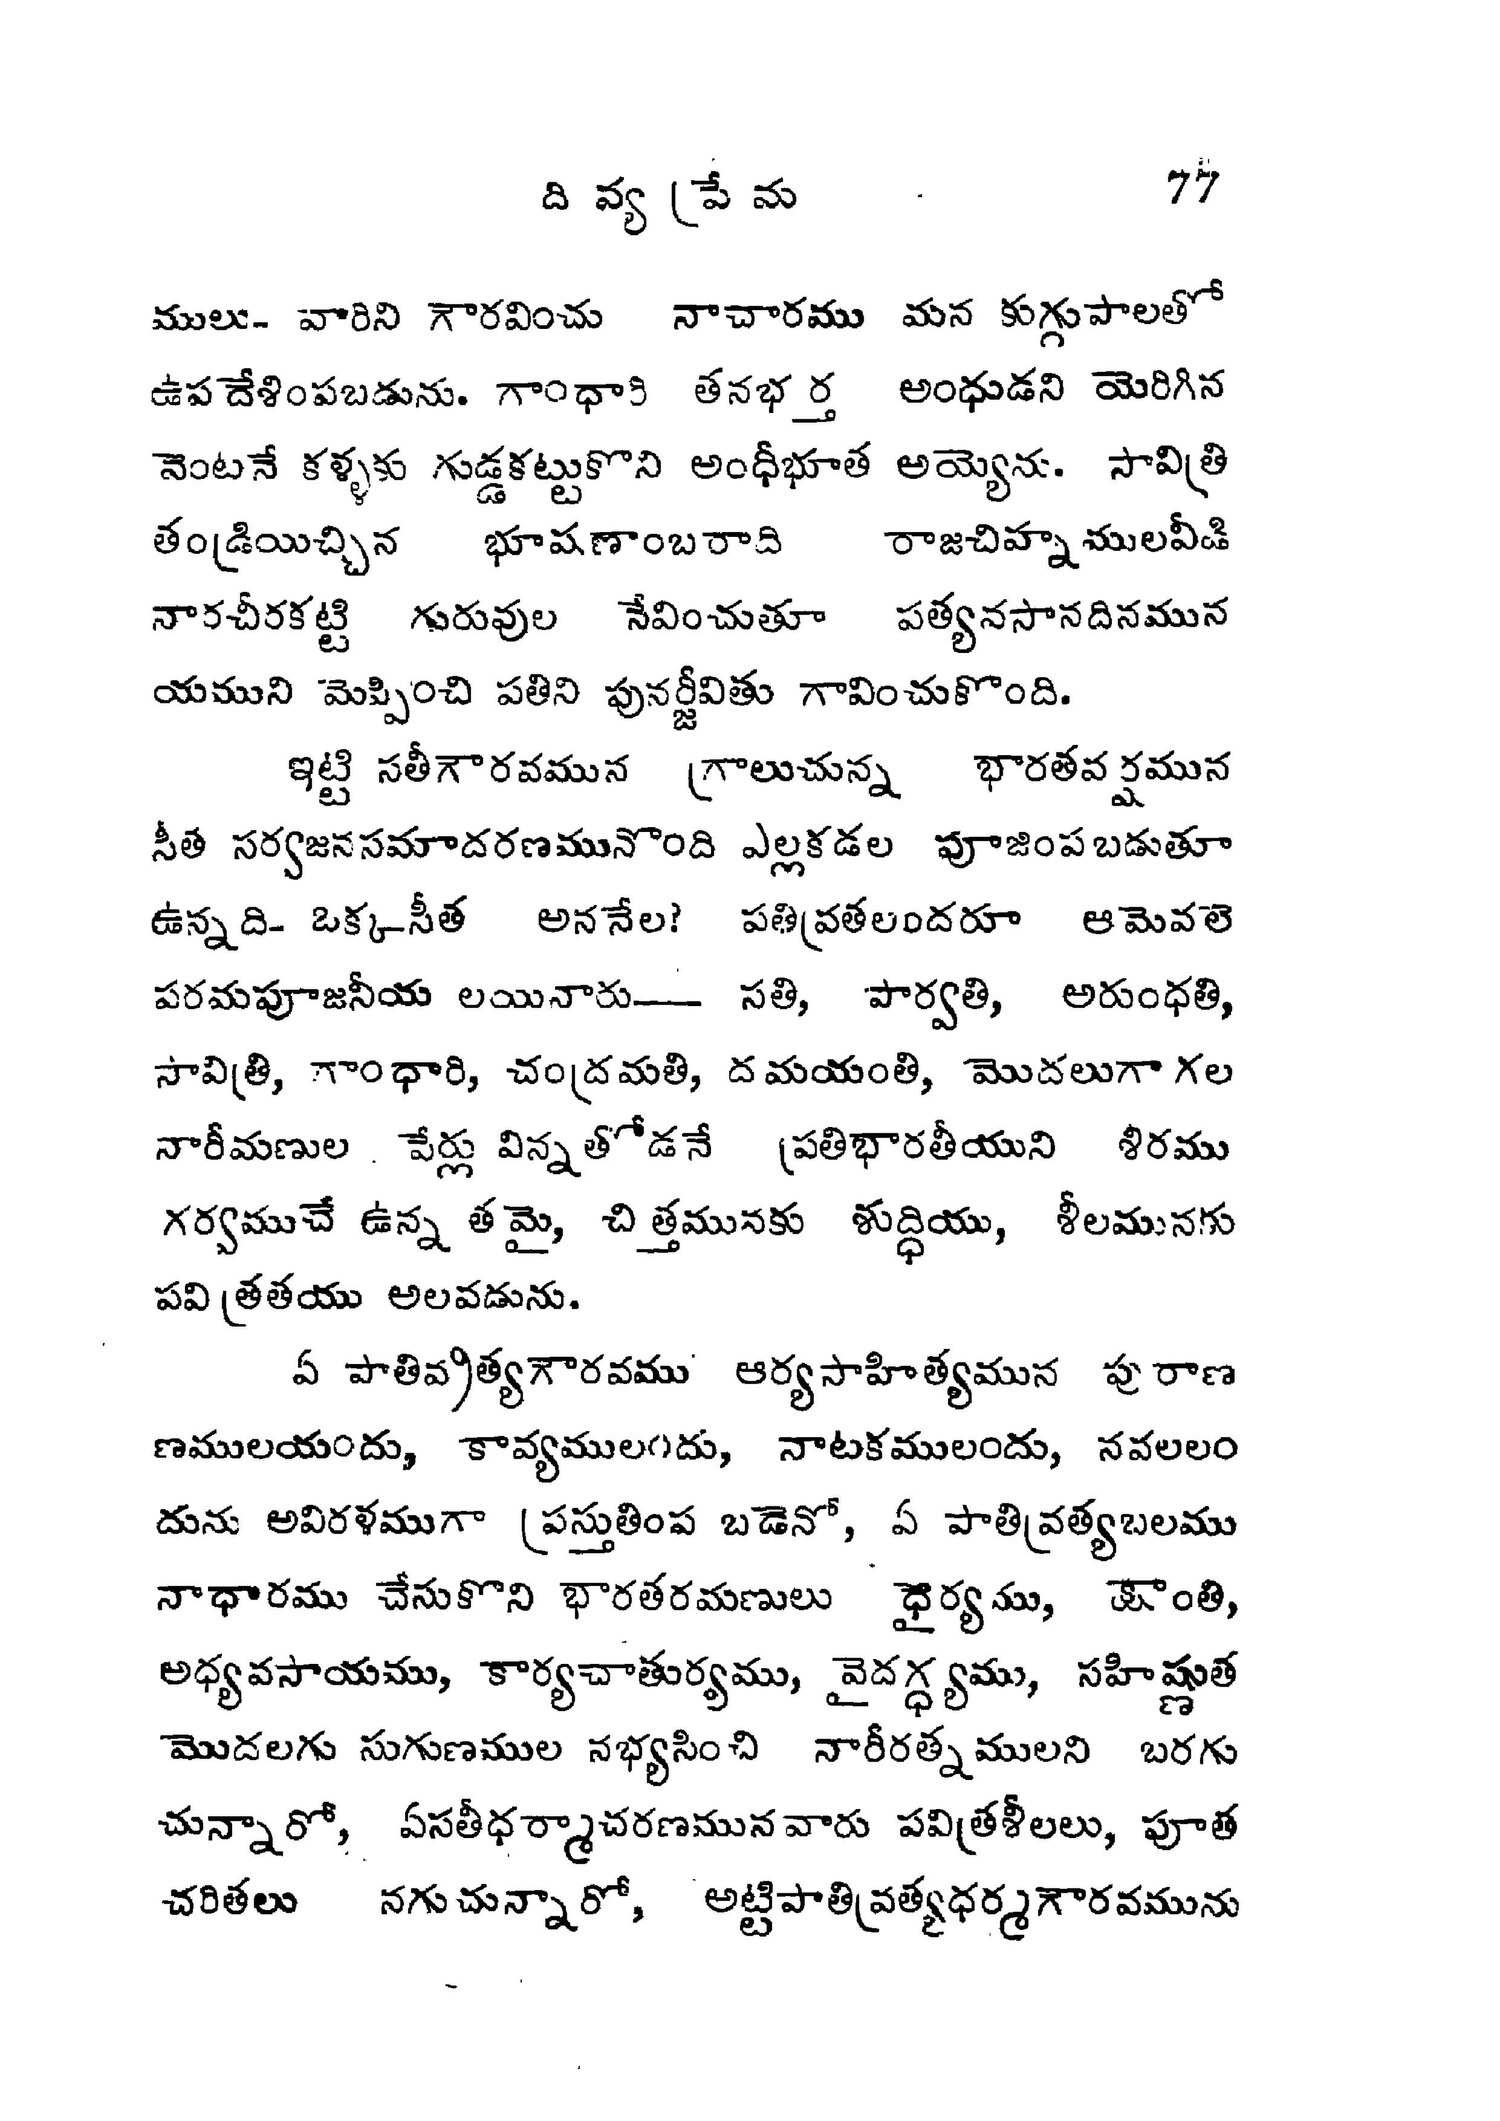ములు - వారిని గౌరవించు నాచారము మన కుగ్గుపాలతో ఉపదేశింపబడును. గాంధారి తనభర్త అంధుడని యెరిగిన వెంటనే కళ్ళకు గుడ్డకట్టుకొని అంధీభూత అయ్యెను. సావిత్రి తండ్రియిచ్చిన భూషణాంబరాది రాజచిహ్నములవీడి నారచీరకట్టి గురువుల సేవించుతూ పత్యవసానదినమున యముని మెప్పించి పతిని పునర్జీవితు గావించుకొంది. 

ఇట్టి సతీగౌరవమున గ్రాలుచున్న భారతవర్షమున సీత సర్వజనసమాదరణమునొంది ఎల్లకడల పూజింపబడుతూ ఉన్నది - ఒక్కసీత అననేల? పతివ్రతలందరూ ఆమెవలె పరమపూజనీయ లయినారు - సతి, పార్వతి, అరుంధతి, సావిత్రి, గాంధారి, చంద్రమతి, దమయంతి, మొదలుగా గల నారీమణుల పేర్లు విన్నతోడనే ప్రతిభారతీయుని శిరము గర్వముచే ఉన్నతమై, చిత్తమునకు శుద్ధియు, శీలమునకు పవిత్రతయు అలవడును.

ఏ పాతివ్రత్యగౌరవము ఆర్యసాహిత్యమున పురాణములయందు, కావ్యములందు, నాటకములందు, నవలలందును అవిరళముగా ప్రస్తుతింప బడెనో, ఏ పాతివ్రత్యబలము నాధారము చేసుకొని భారతరమణులు ధైర్యము, క్షాంతి, అధ్యవసాయము, కార్యచాతుర్యము, వైదగ్ధ్యము, సహిష్ణుత మొదలగు సుగుణముల నభ్యసించి నారీరత్నములని బరగు చున్నారో, ఏసతీధర్మాచరణమునవారు పవిత్రశీలలు, పూత చరితలు నగుచున్నారో, అట్టిపాతివ్రత్యధర్మగౌరవమును